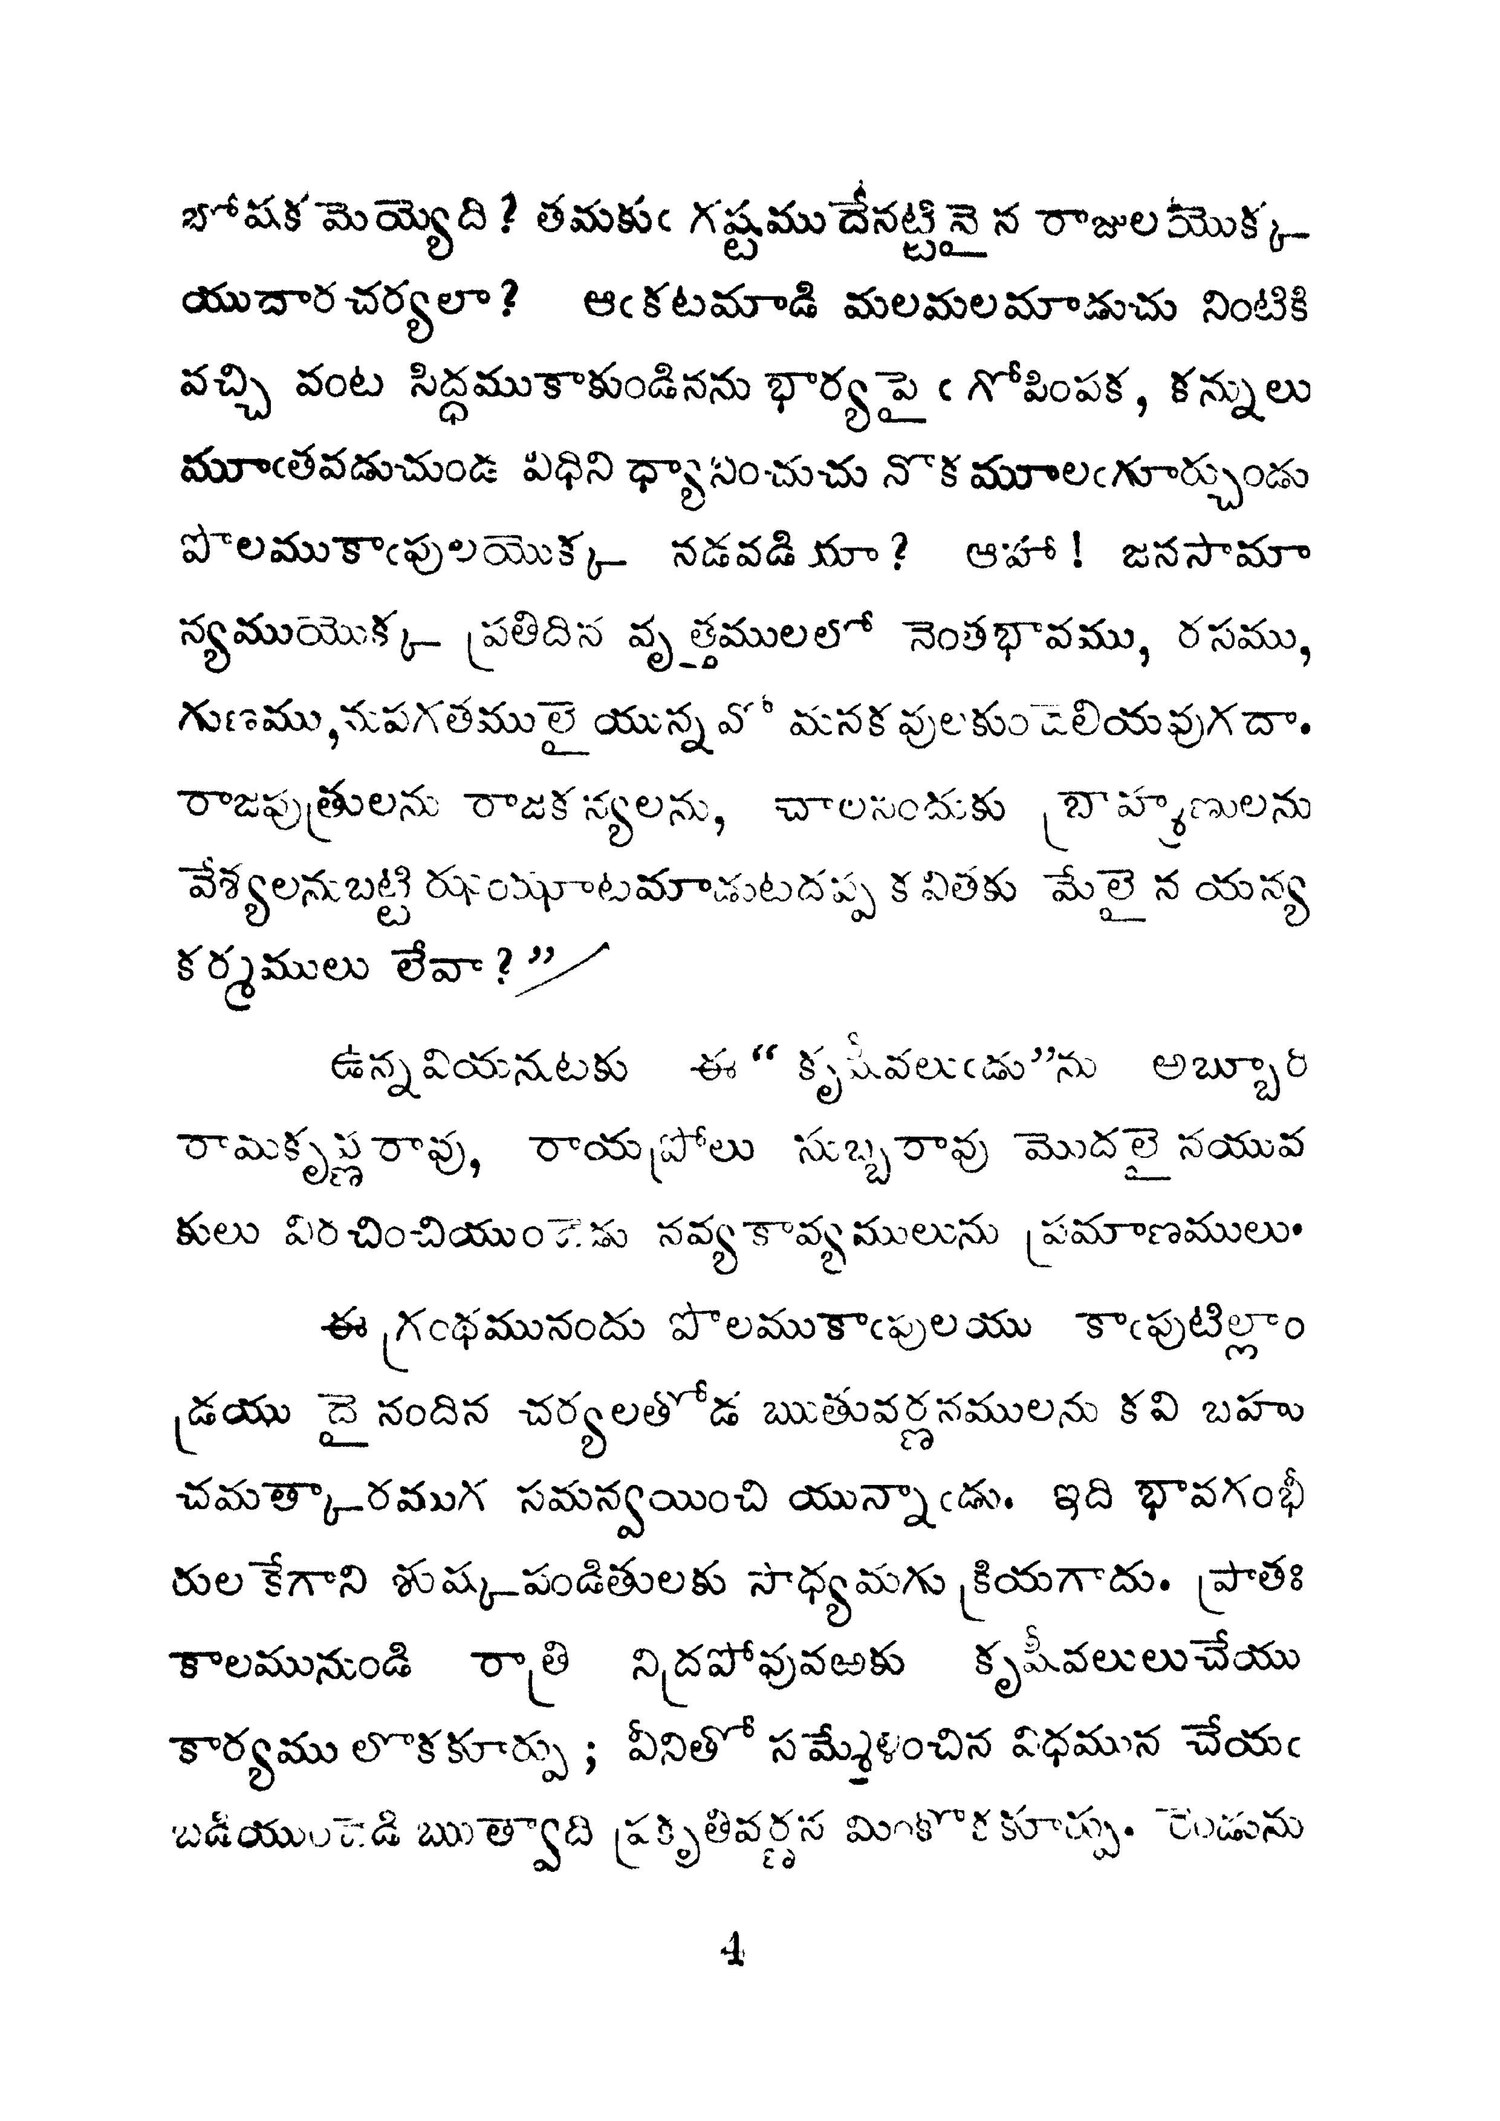బోషకమెయ్యది? తమకు గష్టముదేనట్టివైన రాజులయొక్క యుదారచర్యలా? ఆకటమాడి మలమలమాడుచు నింటికి వచ్చి వంట సిద్ధముకాకుండినను భార్యపై గోపింపక, కన్నులు మూతపడుచుండ విధిని ధ్యానించుచు నొకమూల గూర్చుండు పొలముకాపులయొక్క నడవడియా? ఆహా! జన సామాన్యము యొక్క ప్రతిదిన వృత్తములలో నెంతభావము, రసము, గుణము, నుపగతములై యున్నవో మనకవులకుం దెలియవుగదా, రాజపుత్రులను, రాజకన్యలను, చాలనందుకు బ్రాహ్మణులను వేశ్యలనుబట్టి ఝంఝాటమాడుటదప్ప కవితకు మేలైన యన్యకర్మములు లేవా?"

ఉన్నవియనుటకు ఈ "కృషీవలుడు"ను, అబ్బూరి రామకృష్ణారావు, రాయప్రోలు సుబ్బారావు మొదలైన యువకులు విరచించియుండెడు నవ్యకావ్యములును ప్రమాణములు.

ఈ గ్రంథమునందు పొలముకాపులయు కాపుటిల్లాండ్రయు దైనందిన చర్యలతోడ ఋతువర్ణనములను కవి బహుచమత్కారముగ సమన్వయించి యున్నాడు. ఇది భావగంభీరులకేగాని శుష్కపండితులకు సాధ్యమగు క్రియగాదు. ప్రాతఃకాలమునుండి రాత్రి నిద్రపోవువఱకు కృషీవలులు చేయు కార్యములొకకూర్పు; వీనితో సమ్మేళించిన విధమున చేయబడి యుండెడి ఋత్వాది ప్రకృతివర్ణన మింకొకకూర్పు. రెండును